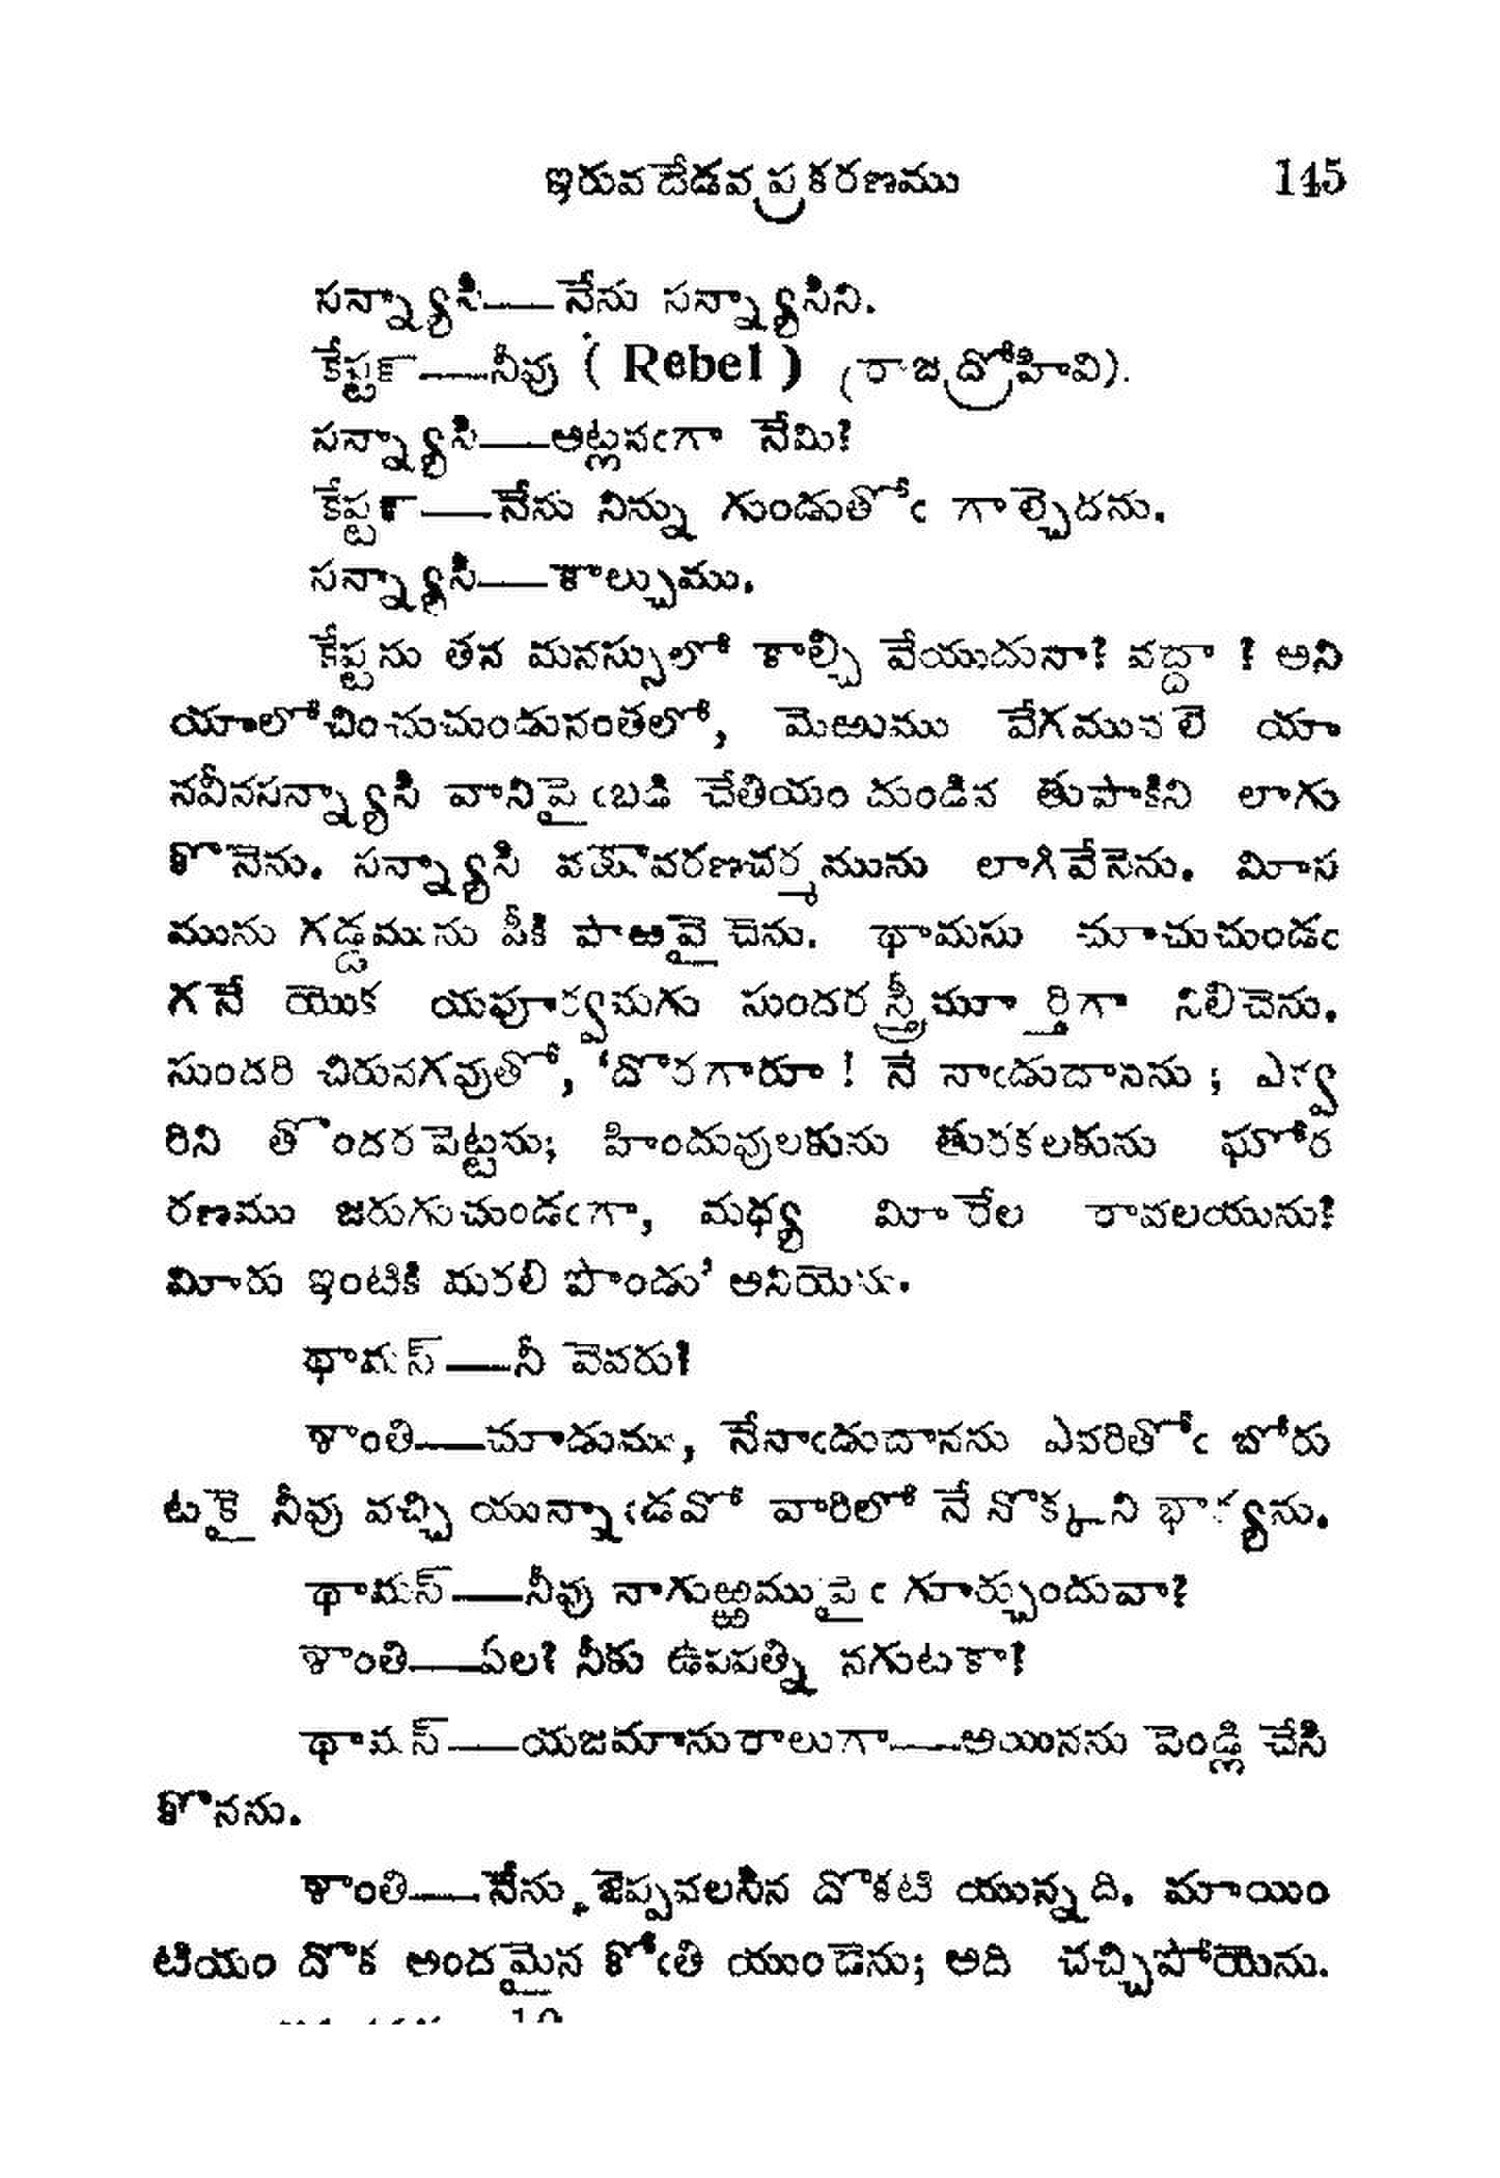సన్యాసి—— నేను సన్యాసిని.

కేప్ట౯——నీవు (Rebel) (రాజద్రోహివి).

సన్యాసి——అట్లనఁగా నేమి?

కేష్ట౯—— నేను నిన్ను గుండుతోఁ గాల్చెదను.

సన్యాసి——కాల్చుము.

కేష్టను తన మనస్సులో కాల్చి వేయుదునా? వద్దా ? అని యాలోచించుచుండునంతలో, మెఱుము వేగమువలె యా
నవీనసన్న్యాసి వానిపైఁబడి చేతియం దుండిన తుపాకిని లాగు కొనెను. సన్న్యాసి వక్షావరణచర్మమును లాగివేసెను. మీస
మును గడ్డమును పీకి పాఱవైచెను. థామసు చూచుచుండగనే యొక యపూర్వమగు సుందర స్త్రీమూర్తిగా నిలిచెను,
సుందరి చిరునగవుతో, 'దొరగారూ ! నే నాఁడుదానను ఎవ్వరిని తొందర పెట్టను; హిందువులకును తురకలకును ఘోర
రణము జరుగుచుండఁగా, మధ్య మీ రేల రావలయును? మీరు ఇంటికి మరలి పొండు' అనియెను.

థామస్—— నీ వెవరు?

శాంతి——చూడుము , నేనాఁడుదానను ఎవరితోఁ బోరుటకై నీవు వచ్చి యున్నాఁడవో వారిలో నే నొక్కని భార్యను.

థామస్—— నీవు నాగుఱ్ఱము పైఁ గూర్చుందువా?

శాంతి—— ఏల? నీకు ఉపపత్ని నగుటకా?

థామస్——యజమానురాలుగా—— అయినను పెండ్లి చేసి కొనను.

శాంతి—— నేను, జెప్పవలసిన దొకటి యున్నది. మాయింటియం దొక అందమైన కోఁతి యుండెను; అది చచ్చిపోయెను.